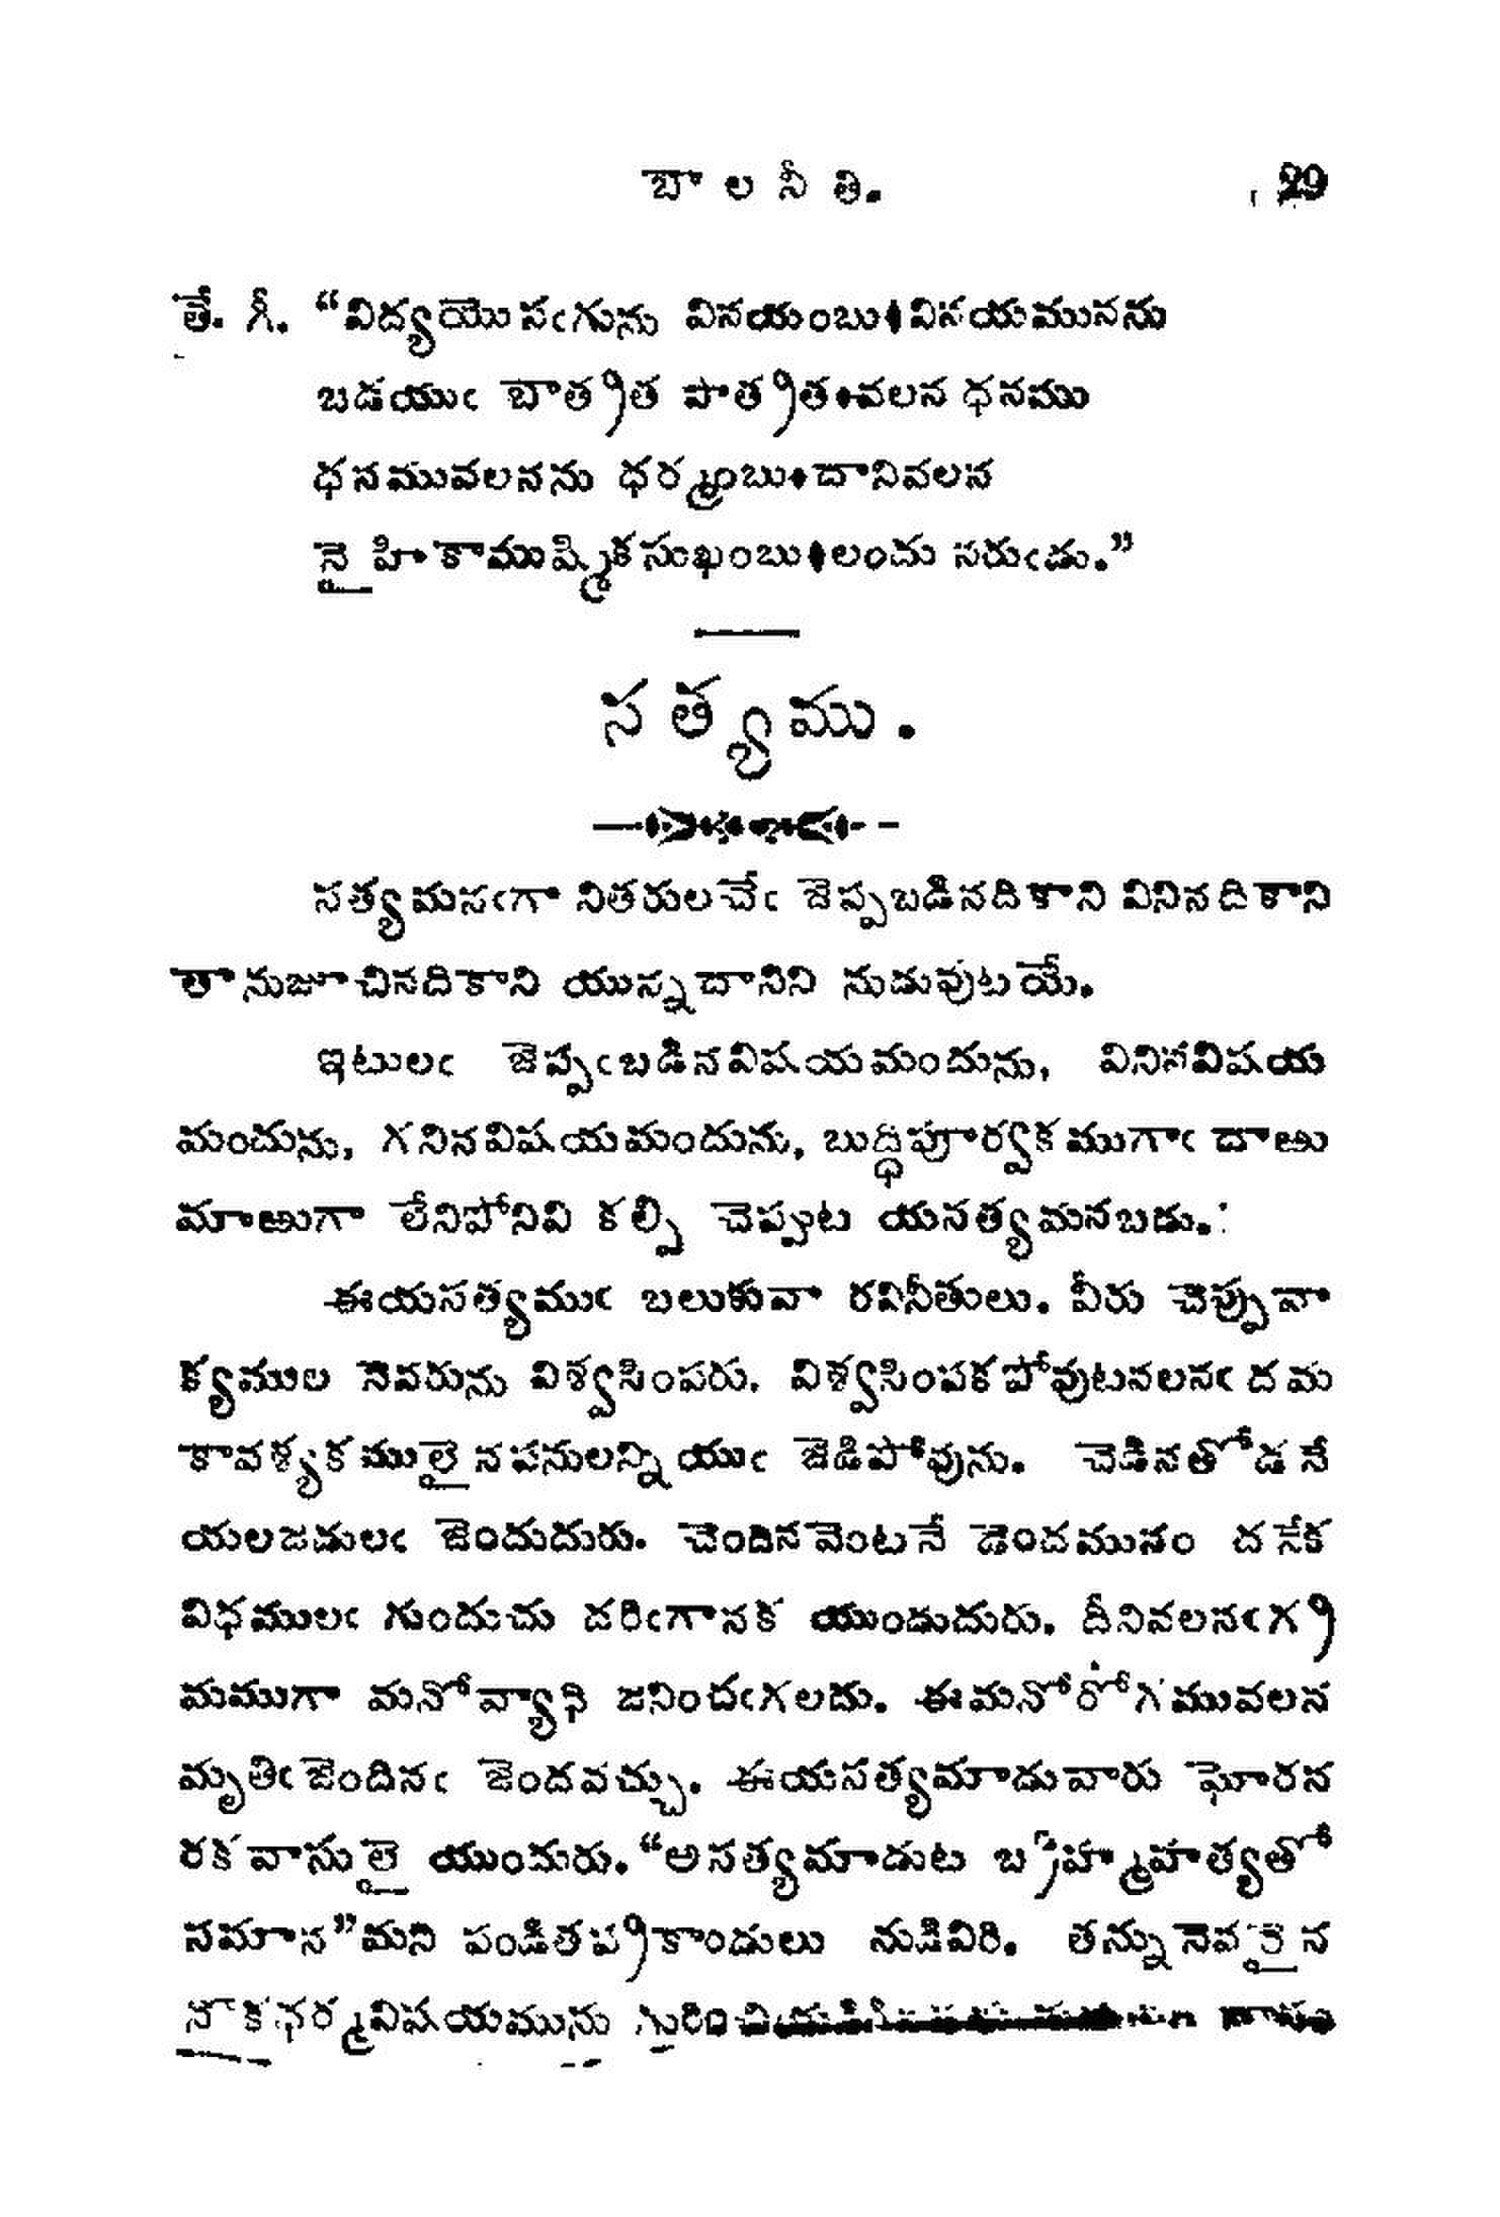తే. గీ. "విద్యయొసఁగును వినయంబు♦వినయమునను
 బడయుఁ బాత్రత పాత్రత♦వలన ధనము
 ధనమువలనను ధర్మంబు♦దానివలన
 నైహికాముష్మికసుఖంబు♦లందు నరుఁడు."

సత్యము.

 

సత్యమనఁగా నితరులచేఁ జెప్పబడినదికాని వినినదికాని 
తానుజూచినదికాని యున్నదానిని నుడువుటయే.

ఇటులఁ జెప్పఁబడినవిషయమందును, వినినవిషయ 
మందును, గనినవిషయమందును, బుదిపూర్వకముగాఁ దాఱు
మాఱుగా లేనిపోనివి కల్పి చెప్పుట యసత్యమనబడు.

ఈయసత్యముఁ బలుకువా రవినీతులు, వీరు చెప్పువా
క్యముల నెవరును విశ్వసింపరు. విశ్వసింపకపోవుటవలనఁ దమ
కావశ్యకములైన పనులన్నియుఁ జెడిపొవును. చెడినతోడనె 
యలజడులఁ జెందుదురు. చెందినవెంటనే డెందమునం దనేక
విధములఁ గుందుచు దరిఁగానక యుండుదురు. దీనివలనఁగ్ర
మముగా మనోవ్యాధి జనింపఁగలదు. ఈమనోరోగమువలన 
మృతిఁజెందినఁ జెందవచ్చు. ఈయసత్యమాడువారు ఘోరన
రకవాసులై యుందురు. "అసత్యమాడుట బ్రహ్మహత్యతో 
సమాన"మని పండితప్రకాండులు నుడివిరి. తన్నునెవరైన 
నొకధర్మవిషయమును గురించి యడిగిన...........................